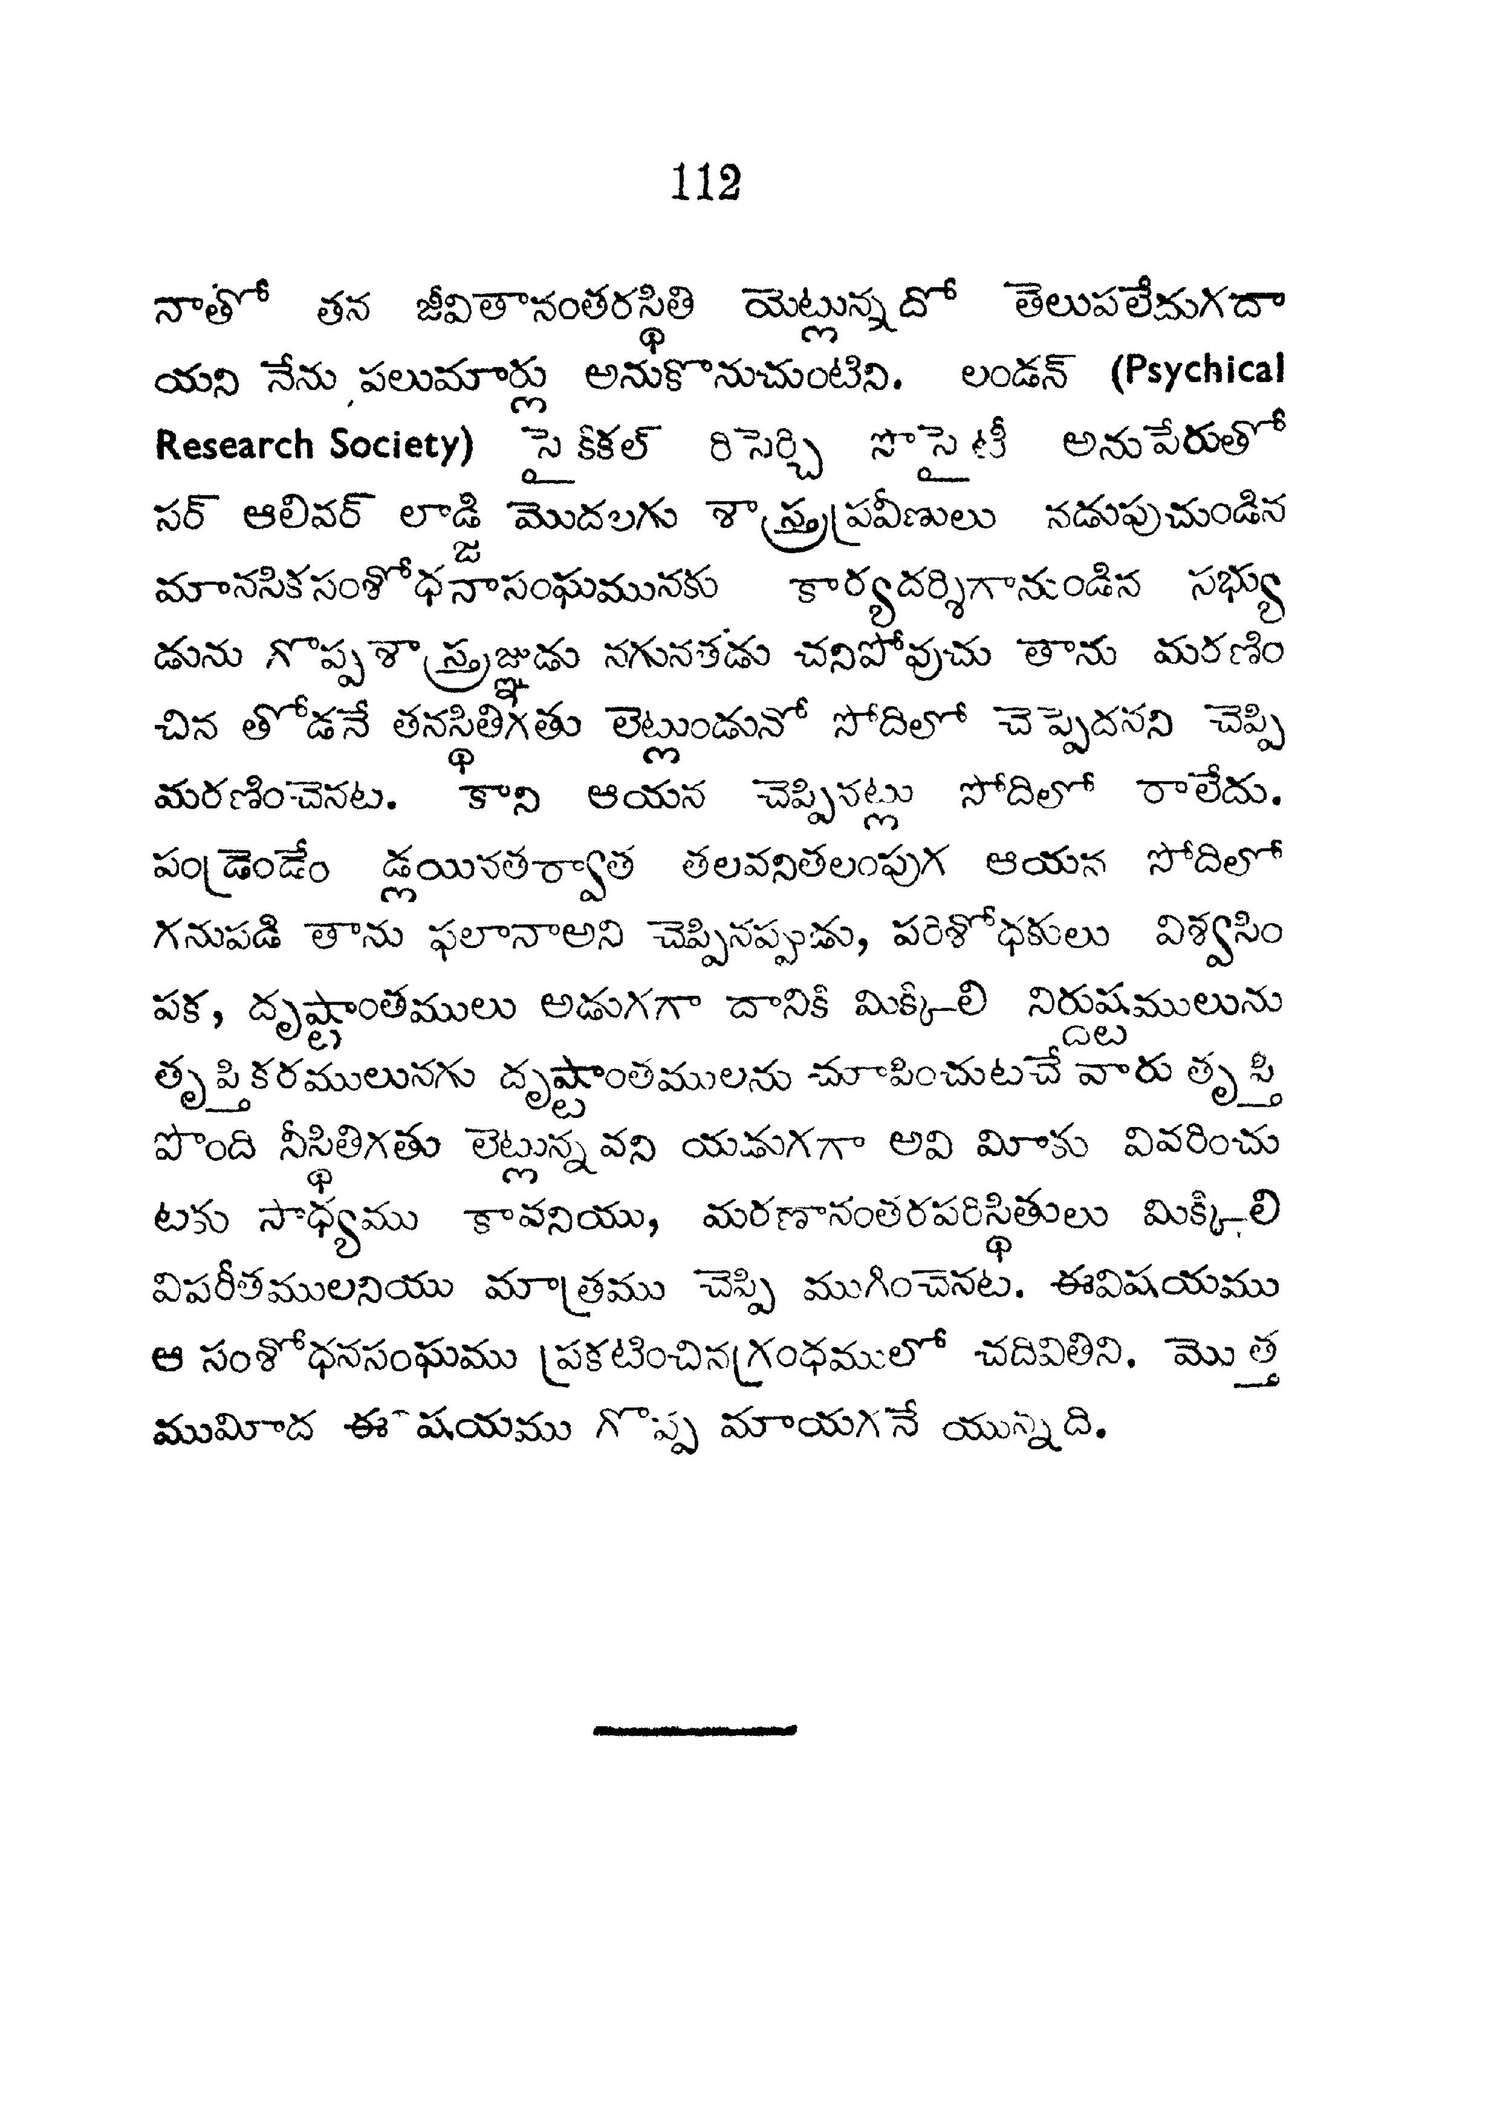నాతో తన జీవితానంతరస్థితి యెట్లున్నదో తెలుపలేదుగదా యని నేను పలుమార్లు అనుకొనుచుంటిని. లండన్ (psychical Research Society) సైకికల్ రిసెర్చి సొసైటీ అనుపేరుతో సర్ ఆలివర్ లాడ్జి మొదలగు శాస్త్రప్రవీణులు నడుపుచుండిన మానసికసంశోధనాసంఘమునకు కార్యదర్శిగానుండిన సభ్యుడును గొప్పశాస్త్రజ్ఞుడు నగునతడు చనిపోవుచు తాను మరణించిన తోడనే తనస్థితిగతు లెట్లుండునో సోదిలో చెప్పెదనని చెప్పి మరణించెనట. కాని ఆయన చెప్పినట్లు సోదిలో రాలేదు. పండ్రెండేం డ్లయినతర్వాత తలవనితలంపుగ ఆయన సోదిలో గనుపడి తాను ఫలానాఅని చెప్పినప్పుడు, పరిశోధకులు విశ్వసింపక, దృష్టాంతములు అడుగగా దానికి మిక్కిలి నిర్దుష్టములును తృప్తికరములునగు దృష్టాంతములను చూపించుటచే వారు తృప్తిపొంది నీస్థితిగతు లెట్లున్నవని యడుగగా అవి మీకు వివరించుటకు సాధ్యము కావనియు, మరణానంతరపరిస్థితులు మిక్కిలి విపరీతములనియు మాత్రము చెప్పి ముగించెనట. ఈవిషయము ఆ సంశోధనసంఘము ప్రకటించినగ్రంధములో చదివితిని. మొత్తముమీద ఈ విషయము గొప్ప మాయగనే యున్నది.

____________